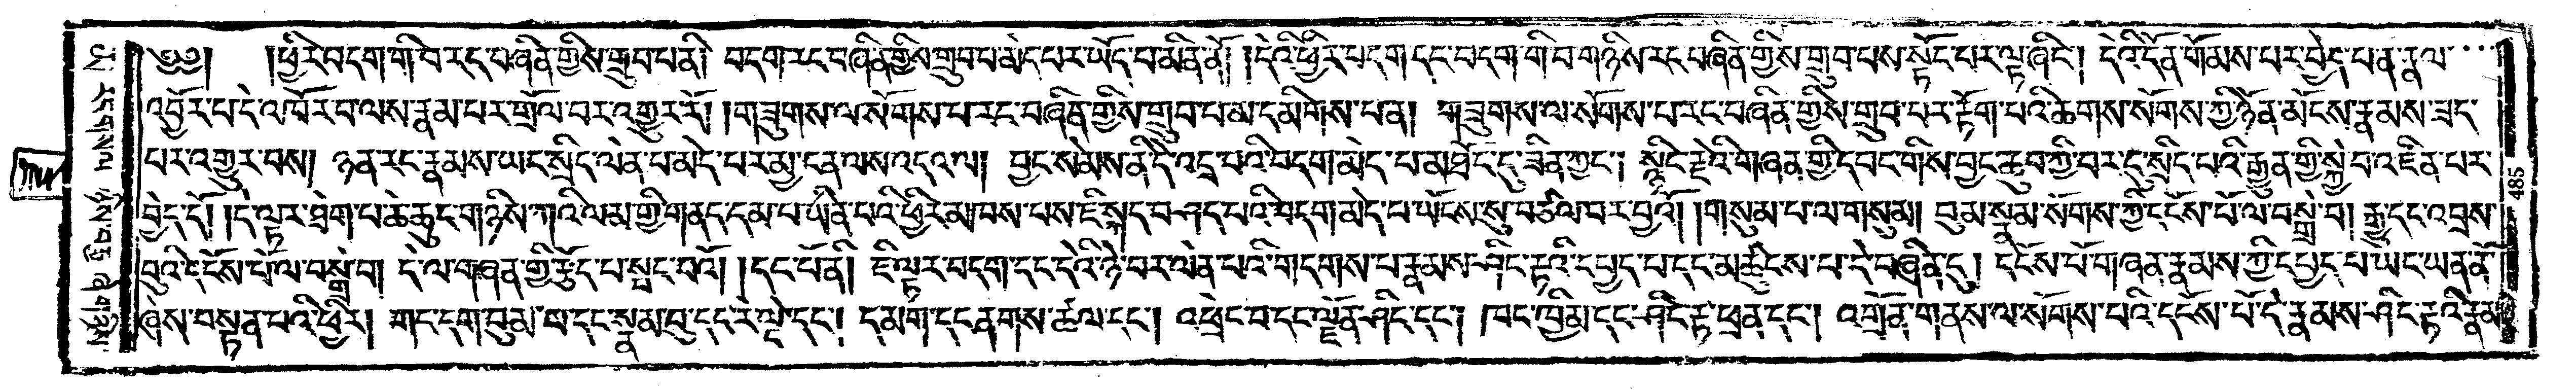༄༅། །ཕྱིར་བདག་གི་བ་རང་བཞིན་གྱིས་གྲུབ་པ་ནི། བདག་རང་བཞིན་གྱིས་གྲུབ་པ་མེད་པར་ཡོད་པ་མིན་ནོ། །དེའི་ཕྱིར་བདག་དང་བདག་གི་བ་གཉིས་རང་བཞིན་གྱིས་གྲུབ་པས་སྟོང་པར་ལྟ་ཞིང་། དེའི་དོན་གོམས་པར་བྱེད་པ་ན་རྣལ་
འབྱོར་པ་དེ་འཁོར་བ་ལས་རྣམ་པར་གྲོལ་བར་འགྱུར་རོ། །གཟུགས་ལ་སོགས་པ་རང་བཞིན་གྱིས་གྲུབ་པ་མ་དམིགས་པ་ན། གཟུགས་ལ་སོགས་པ་རང་བཞིན་གྱིས་གྲུབ་པར་རྟོག་པའི་ཆགས་སོགས་ཀྱི་ཉོན་མོངས་རྣམས་ཟད་
པར་འགྱུར་བས། ཉན་རང་རྣམས་ཡང་སྲིད་ལེན་པ་མེད་པར་མྱ་ངན་ལས་འདའ་ལ། བྱང་སེམས་ནི་དེ་འདྲ་བའི་བདག་མེད་པ་མཐོང་དུ་ཟིན་ཀྱང་། སྙིང་རྗེའི་གཞན་གྱི་དབང་གིས་བྱང་ཆུབ་ཀྱི་བར་དུ་སྲིད་པའི་རྒྱུན་གྱི་སྐྱེ་བ་འཛིན་པར་
བྱེད་དོ། །དེ་ལྟར་ཐེག་པ་ཆེ་ཆུང་གཉིས་ཀའི་ལམ་གྱི་གནད་དམ་པ་ཡིན་པའི་ཕྱིར་མཁས་པས་ཇི་སྐད་བཤད་པའི་བདག་མེད་པ་ཡོངས་སུ་བཙལ་བར་བྱའོ། །གསུམ་པ་ལ་གསུམ། བུམ་སྣམ་སོགས་ཀྱི་དངོས་པོ་ལ་བསྒྲེ་བ། རྒྱུ་དང་འབྲས་
བུའི་དངོས་པོ་ལ་བསྒྲེ་བ། དེ་ལ་གཞན་གྱི་རྩོད་པ་སྤང་བའོ། །དང་པོ་ནི། ཇི་ལྟར་བདག་དང་དེའི་ཉེ་བར་ལེན་པའི་གདགས་པ་རྣམས་ཤིང་རྟའི་དཔྱད་པ་དང་མཚུངས་པ་དེ་བཞིན་དུ། དངོས་པོ་གཞན་རྣམས་ཀྱི་དཔྱད་པ་ཡང་ཡིན་ནོ་
ཞེས་བསྟན་པའི་ཕྱིར། གང་དག་བུམ་པ་དང་སྣམ་བུ་དང་རེ་ལྡེ་དང་། དམག་དང་ནགས་ཚལ་དང་། འཕྲེང་བ་དང་ལྗོན་ཤིང་དང་། ཁང་ཁྱིམ་དང་ཤིང་རྟ་ཕྲན་དང་། འགྲོན་གནས་ལ་སོགས་པའི་དངོས་པོ་དེ་རྣམས་ཤིང་རྟའི་རྣམ་